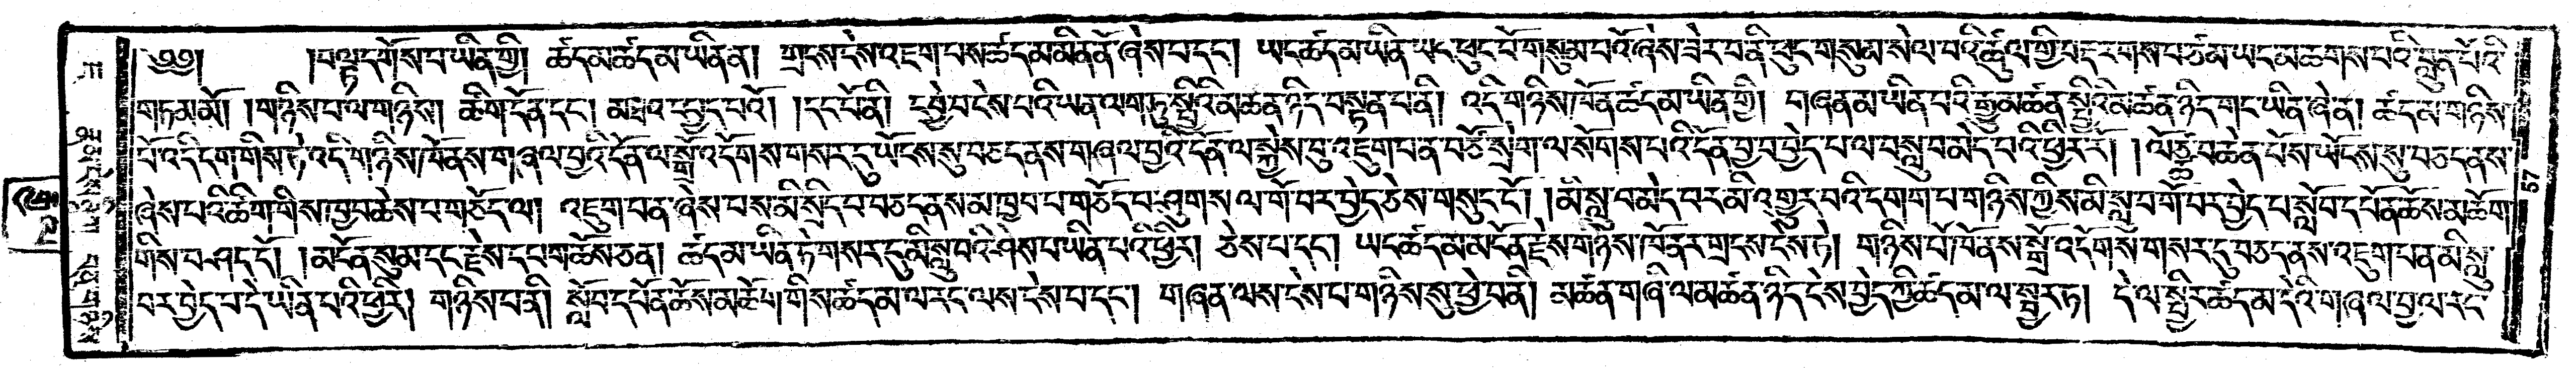༄༅། །བལྟ་དགོས་པ་ཡིན་གྱི། ཚད་མ་ཚད་མ་ཡིན་ན། གྲངས་ངེས་འཇག་པས་ཚད་མ་མིན་ནོ་ཞེས་པ་དང་། ཡང་ཚད་མ་ཡིན་ཡང་ཕུང་པོ་གསུམ་པའོ་ཞེས་ཟེར་བ་ནི་ཕུང་གསུམ་སེལ་བའི་ཚུལ་གྱི་བརྡ་རགས་པ་ཙམ་ཡང་མ་ཆགས་པའི་བླུན་པོའི་
གཏམ་མོ། །གཉིས་པ་ལ་གཉིས། ཚིག་དོན་དང་། མཐའ་དཔྱད་པའོ། །དང་པོ་ནི། དབྱེ་བ་ངེས་པའི་ཡན་ལག་ཏུ་སྤྱིའི་མཚན་ཉིད་བསྟན་པ་ནི། འདི་གཉིས་ཁོ་ན་ཚད་མ་ཡིན་གྱི། གཞན་མ་ཡིན་པའི་རྒྱུ་མཚན་སྤྱིའི་མཚན་ཉིད་གང་ཡིན་ཞེ་ན། ཚད་མ་གཉིས་
པོ་འདི་དག་གིས་ཏེ་འདི་གཉིས་ཁོ་ནས་གཞལ་བྱའི་དོན་ལ་སྒྲོ་འདོགས་གསར་དུ་ཡོངས་སུ་བཅད་ནས་གཞལ་བྱའི་དོན་ལ་སྐྱེས་བུ་འཇུག་པ་ན་བཙོ་སྲེག་ལ་སོགས་པའི་དོན་བྱ་བ་བྱེད་པ་ལ་བསླུ་བ་མེད་པའི་ཕྱིར་རོ། །ལོཙྪ་བ་ཆེན་པོས་ཡོངས་སུ་བཅད་ནས་
ཞེས་པའི་ཚིག་གིས་ཁྱབ་ཆེས་པ་གཅོད་ལ། འཇུག་པ་ན་ཞེས་པས་མི་སྲིད་པ་བཅད་ནས་མ་ཁྱབ་པ་གཅོད་པ་ཤུགས་ལ་གོ་བར་བྱེད་ཅེས་གསུང་ངོ། །མི་སླུ་བ་མེད་པར་མི་འགྱུར་བའི་དགག་པ་གཉིས་ཀྱིས་མི་སླུ་བ་གོ་བར་བྱེད་པ་སློབ་དཔོན་ཆོས་མཆོག་
གིས་བཤད་དོ། །མངོན་སུམ་དང་རྗེས་དཔག་ཆོས་ཅན། ཚད་མ་ཡིན་ཏེ་གསར་དུ་མི་སླུ་བའི་ཤེས་པ་ཡིན་པའི་ཕྱིར། ཅེས་པ་དང་། ཡང་ཚད་མ་མངོན་རྗེས་གཉིས་ཁོ་ནར་གྲངས་ངེས་ཏེ། གཉིས་པོ་ཁོ་ནས་སྒྲོ་འདོགས་གསར་དུ་བཅད་ནས་འཇུག་པ་ན་མི་སླུ་
བར་བྱེད་པ་དེ་ཡིན་པའི་ཕྱིར། གཉིས་པ་ནི། སློབ་དཔོན་ཆོས་མཆོག་གིས་ཚད་མ་ལ་རང་ལས་ངེས་པ་དང་། གཞན་ལས་ངེས་པ་གཉིས་སུ་ཕྱེ་བ་ནི། མཚན་གཞི་ལ་མཚན་ཉིད་ངེས་བྱེད་ཀྱི་ཚད་མ་ལ་སྦྱར་ཏེ། དེ་ལ་སྤྱིར་ཚད་མ་དེའི་གཞལ་བྱ་ལ་རང་